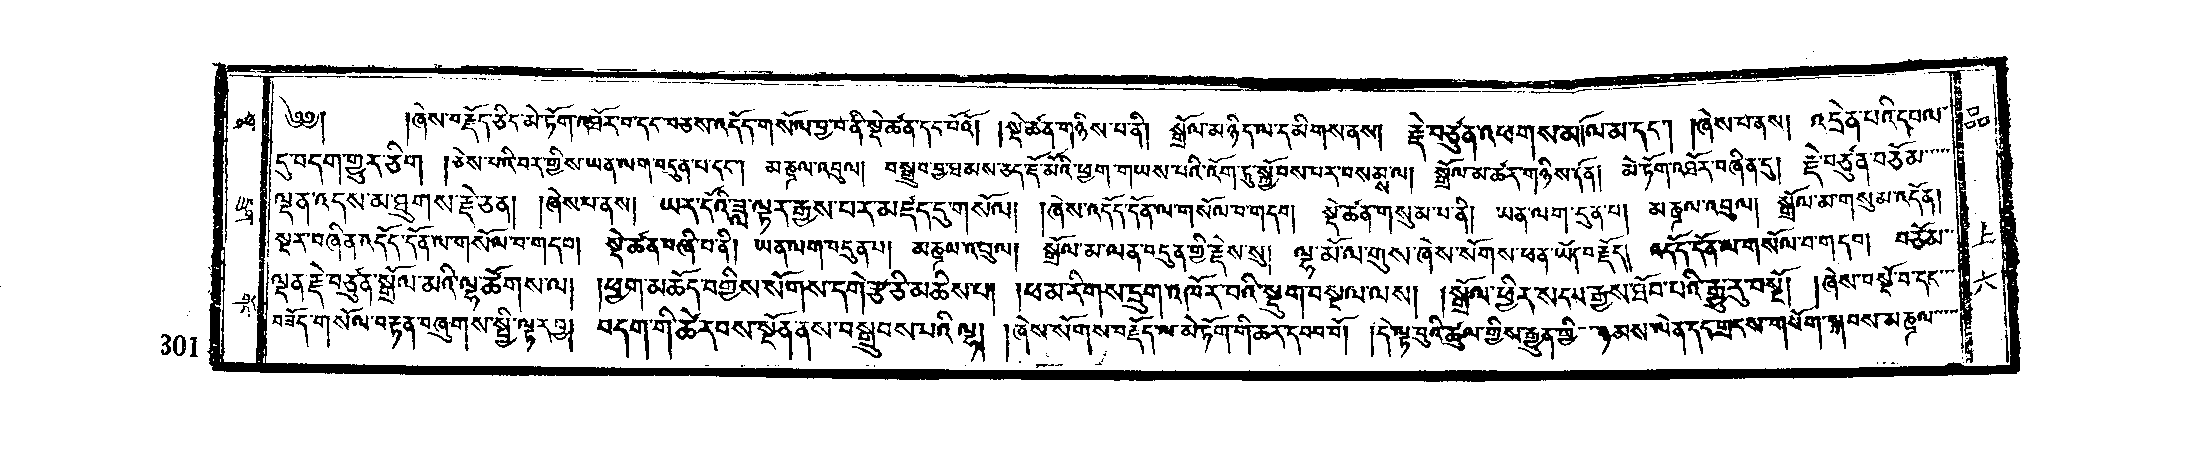༄༅། །ཞེས་བརྗོད་ཅིང་མེ་ཏོག་འཐོར་བ་དང་བཅས་འདོད་གསོལ་བྱ་བ་ནི་སྡེ་ཚན་དང་པོའོ། །སྡེ་ཚན་གཉིས་པ་ནི། སྒྲོལ་མ་ཉིད་ལ་དམིགས་ནས། རྗེ་བཙུན་འཕགས་མ་ལ་མ་དང་། །ཞེས་པ་ནས། འདྲེན་པའི་དཔལ་
དུ་བདག་གྱུར་ཅིག །ཅེས་པའི་བར་གྱིས་ཡན་ལག་བདུན་པ་དང་། མཎྜལ་འབུལ། བསྒྲུབ་བྱ་ཐམས་ཅད་ཇོ་མོའི་ཕྱག་གཡས་པའི་འོག་ཏུ་སྐྱོབས་པར་བསམས་ལ། སྒྲོལ་མ་ཚར་གཉིས་དོན། མེ་ཏོག་འཐོར་བཞིན་དུ། རྗེ་བཙུན་བཅོམ་
ལྡན་འདས་མ་ཐུགས་རྗེ་ཅན། །ཞེས་པ་ནས། ཡར་ངོའི་ཟླ་ལྟར་རྒྱས་པར་མཛད་དུ་གསོལ། །ཞེས་འདོད་དོན་ལ་གསོལ་བ་གདབ། སྡེ་ཚན་གསུམ་པ་ནི། ཡན་ལག་དུན་པ། མཎྜལ་འབུལ། སྒྲོལ་མ་གསུམ་འདོན།
སྔར་བཞིན་འདོད་དོན་ལ་གསོལ་བ་གདབ། སྡེ་ཚན་བཞི་པ་ནི། ཡན་ལག་བདུན་པ། མཎྜལ་འབུལ། སྒྲོལ་མ་ལན་བདུན་གྱི་རྗེས་སུ། ལྷ་མོ་ལ་གུས་ཞེས་སོགས་ཕན་ཡོད་བརྗོད། འདོད་དོན་ལ་གསོལ་བ་གདབ། བཅོམ་
ལྡན་རྗེ་བཙུན་སྒྲོལ་མའི་ལྷ་ཚོགས་ལ། །ཕྱག་མཆོད་བགྱིས་སོགས་དགེ་རྩ་ཅི་མཆིས་པ། །ཕ་མ་རིགས་དྲུག་འཁོར་བའི་སྡུག་བསྔལ་ལས། །སྒྲོལ་ཕྱིར་སངས་རྒྱས་ཐོབ་པའི་རྒྱུ་རུ་བསྔོ། །ཞེས་བསྔོ་བ་དང་
བཟོད་གསོལ་བརྟན་བཞུགས་སྤྱི་ལྟར་བྱ། །བདག་གི་ཚེ་རབས་སྔོན་ནས་བསྒྲུབས་པའི་ལྷ། །ཞེས་སོགས་བརྗོད་ལ་མེ་ཏོག་གི་ཆར་དབབ་བོ། །དེ་ལྟ་བུའི་ཚུལ་གྱིས་རྒྱུན་གྱི་ཉམས་ལེན་དང་གྲངས་གསོག་སྐབས་མཎྜལ་